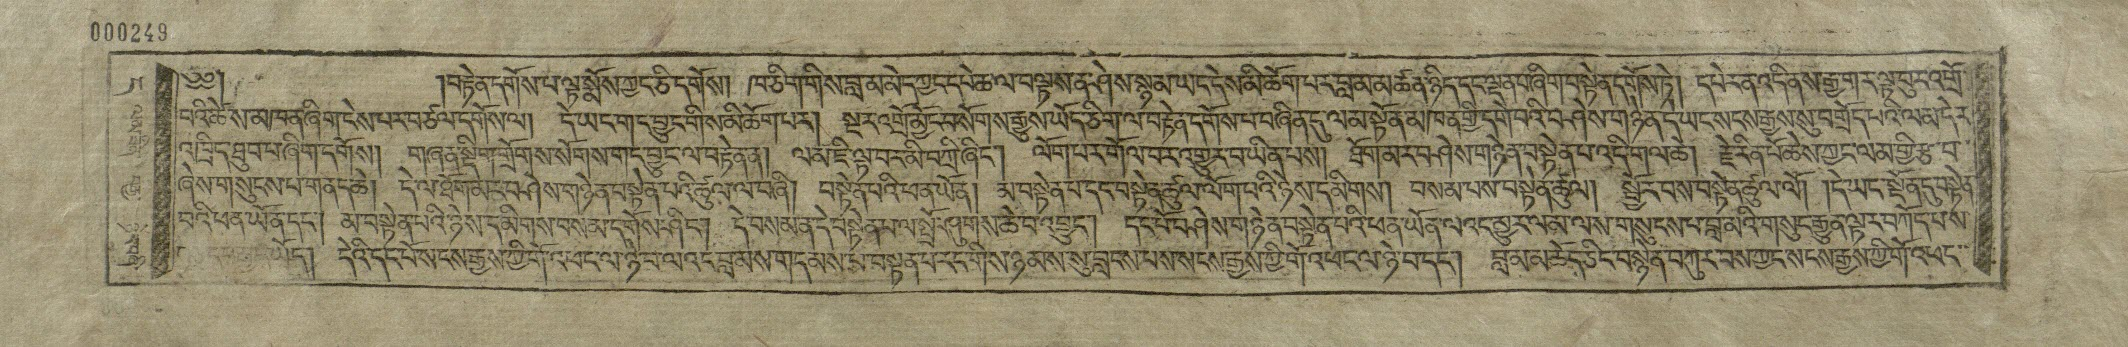༄༅། །བརྟེན་དགོས་པ་ལྟ་སྨོས་ཀྱང་ཅི་དགོས། ཁ་ཅིག་གིས་བླ་མ་མེད་ཀྱང་དཔེ་ཆ་ལ་བལྟས་ན་ཤེས་སྙམ་ཡང་དེས་མི་ཆོག་པར་བླ་མ་མཚན་ཉིད་དང་ལྡན་པ་ཞིག་བསྟེན་དགོས་ཏེ། དཔེར་ན་འདི་ནས་རྒྱ་གར་ལྟ་བུར་འགྲོ་
བའི་ཚེ་ས་མཁན་ཞིག་ངེས་པར་བཙལ་དགོས་ལ། དེ་ཡང་གང་བྱུང་གིས་མི་ཆོག་པར། སྔར་འགྲོ་མྱོང་བ་སོགས་རྒྱུས་ཡོད་ཅིག་ལ་བརྟེན་དགོས་པ་བཞིན་དུ་ལམ་སྟོན་མཁན་གྱི་དགེ་བའི་བཤེས་གཉེན་དེ་ཡང་སངས་རྒྱས་སུ་བགྲོད་པའི་ལམ་དེར་
འཁྲིད་ཐུབ་པ་ཞིག་དགོས། གཞན་སྡིག་གྲོགས་སོགས་གང་བྱུང་ལ་བརྟེན་ན། ལམ་ཇི་ལྟ་བར་མི་བཀྲི་ཞིང་། ལོག་པར་གོལ་བར་འགྱུར་བ་ཡིན་པས། ཐོག་མར་བཤེས་གཉེན་བསྟེན་པ་འདི་གལ་ཆེ། རྗེ་རིན་པོ་ཆེས་ཀྱང་ལམ་གྱི་རྩ་བ་
ཞེས་གསུངས་པ་གནད་ཆེ། དེ་ལ་ཐོག་མར་བཤེས་གཉེན་བསྟེན་པའི་ཚུལ་ལ་བཞི། བསྟེན་པའི་ཕན་ཡོན། མ་བསྟེན་པ་དང་བསྟེན་ཚུལ་ལོག་པའི་ཉེས་དམིགས། བསམ་པས་བསྟེན་ཚུལ། སྦྱོར་བས་བསྟེན་ཚུལ་ལོ། །དེ་ཡང་སྔོན་དུ་བསྟེན་
བའི་ཕན་ཡོན་དང་། མ་བསྟེན་པའི་ཉེས་དམིགས་བསམ་དགོས་ཤིང་། དེ་བསམ་ན་དེ་བསྟེན་པ་ལ་སྤྲོ་ཤུགས་ཆེ་བ་འབྱུང་། དང་པོ་བཤེས་གཉེན་བསྟེན་པའི་ཕན་ཡོན་ལའང་མྱུར་ལམ་ལས་གསུངས་པ་བླ་མའི་གསུང་རྒྱུན་ལྟར་བཀོད་པ་ས་
བཅད་བརྒྱད་ཡོད། དེའི་དང་པོ་སངས་རྒྱས་ཀྱི་གོ་འཕང་ལ་ཉེ་བ་ལའང་བླ་མས་གདམས་པ་བསྟན་པ་རང་གིས་ཉམས་སུ་བླངས་པས་སངས་རྒྱས་ཀྱི་གོ་འཕང་ལ་ཉེ་བ་དང་། བླ་མ་མཆོད་ཅིང་བསྙེན་བཀུར་བས་ཀྱང་སངས་རྒྱས་ཀྱི་གོ་འཕང་